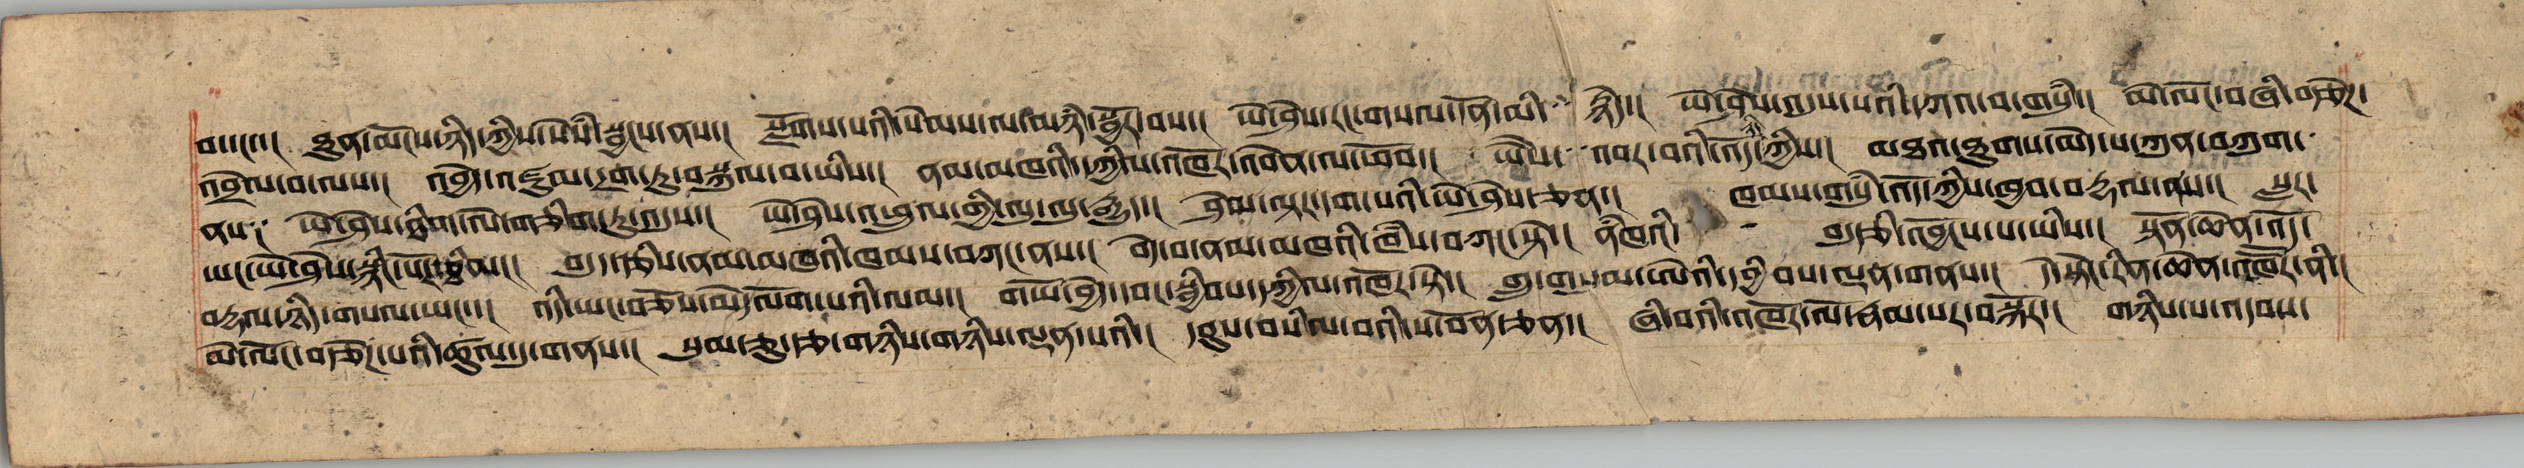བ་དང་་། ཐུན་མོངས་ཉིད་ཀྱིས་སེཾས་སྦྱངས་ནས་། སྫོགས་པའི་སེམས་ལ་མཉཾ་སྦྱོར་བས་། ཡེ་ཤེས་རང་གསལ་དོན་མི་རྙེད་། ཡེ་ཤེས་འདུས་པའི་དཀའ་བ་གསུཾ་། མེ་ལོང་བཞི་བརྩེཌ་
འབྲེལ་བ་ལས་། འབྱེད་འཛུམ་དྲག་ཏུ་བསྐུལ་བ་ཡིས་། ནམ་མཁའི་དཀྱིལ་འཁོར་འབེན་ལ་ཕོབ་། ཡཻས་་་འབར་བའི་འོད་ཉིད་ཀྱིས་། མཐའ་ཐུགས་མེད་པ་ཀུན་བཀུག་
ནས༑ ཡེ་ཤེས་ཐིག་ལེ་གཅིག་ཏུ་འདུས་། ཡེ་ཤེས་འཕྲུལ་གྱི་ལུ་ལུ་རྒྱུད་། ཤེལ་ལྟར་དག་པའི་ཡེ་ཤེས་ཅན་། ཁམས་གསུཾ་འོད་ཀྱིས་ཁྱབ་བརྡལ་ནས་། སླར་
ཡང་ཡེ་ཤེས་སྙིང་པོར་ཅྭིན་། བདུད་རྩིས་ནམ་མཁའི་ཁམས་བཀང་ནས་། བདེ་བ་ནམ་མཁའི་ཁཾས་བཀང་སྟེ་། ནཾམཁའི་ བདུརྩི་འབྱོངས་པ་ཡིས་། སྟོན་ཆེན་འོད་
བརྡལ་ཉིད་གསལ་ཡང་་། འདི་ཡང་བཅོས་མེད་ལོག་པའི་ལམ་། གཡོ་བྱེད་དབང་སྦྱིབས་དཀྱིལ་འཁོར་སྟེ་། གྲུ་གསུམ་ཨེའི་དབྱིབས་ལྡན་གནས་། དེ་སྟེང་རིན་ཆེན་འཁཽར་ནི་།
མེ་ལོང་བརྩེཌ་པའི་ཚུལ་དུ་གནས་། སུམ་ཅུ་རྩ་གཉིས་གཉིས་ལྡན་པའི་། དབུས་བསིལ་བའི་ས་བོན་ཅན་། ཞི་བའི་འཁོར་ལོ་རྣམ་པར་བསྐོར་། གཉིས་པ་འདབས་